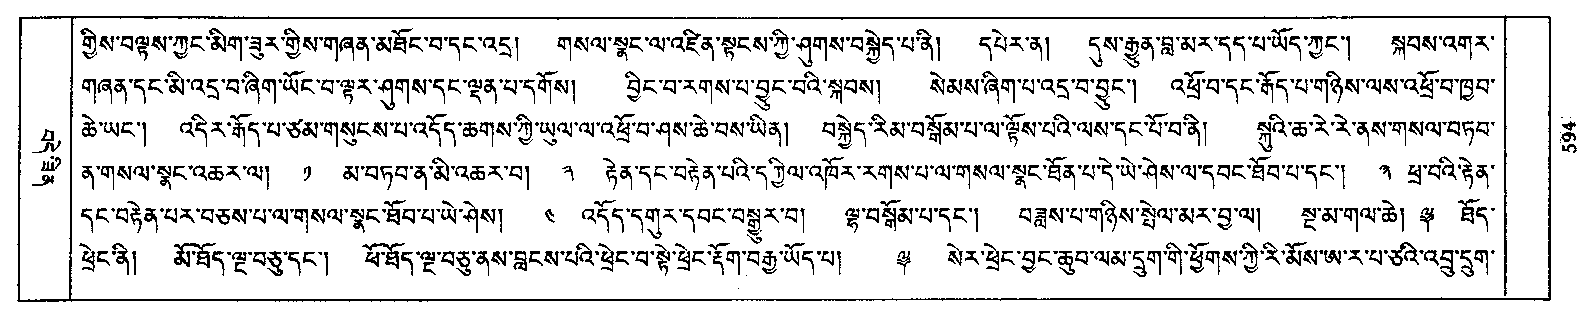གྱིས་བལྟས་ཀྱང་མིག་ཟུར་གྱིས་གཞན་མཐོང་བ་དང་འདྲ། གསལ་སྣང་ལ་འཛིན་སྟངས་ཀྱི་ཤུགས་བསྐྱེད་པ་ནི། དཔེར་ན། དུས་རྒྱུན་བླ་མར་དད་པ་ཡོད་ཀྱང་། སྐབས་འགར་
གཞན་དང་མི་འདྲ་བ་ཞིག་ཡོང་བ་ལྟར་ཤུགས་དང་ལྡན་པ་དགོས། བྱིང་བ་རགས་པ་བྱུང་བའི་སྐབས། སེམས་ཞིག་པ་འདྲ་བ་བྱུང་། འཕྲོ་བ་དང་རྒོད་པ་གཉིས་ལས་འཕྲོ་བ་ཁྱབ་
ཆེ་ཡང་། འདིར་རྒོད་པ་ཙམ་གསུངས་པ་འདོད་ཆགས་ཀྱི་ཡུལ་ལ་འཕྲོ་བ་ཤས་ཆེ་བས་ཡིན། བསྐྱེད་རིམ་བསྒོམ་པ་ལ་ལྟོས་པའི་ལས་དང་པོ་བ་ནི། སྐུའི་ཆ་རེ་རེ་ནས་གསལ་བཏབ་
ན་གསལ་སྣང་འཆར་ལ། ༡་མ་བཏབ་ན་མི་འཆར་བ། ༢་རྟེན་དང་བརྟེན་པའི་དཀྱིལ་འཁོར་རགས་པ་ལ་གསལ་སྣང་ཐོན་པ་དེ་ཡེ་ཤེས་ལ་དབང་ཐོབ་པ་དང་། ༣་ཕྲ་བའི་རྟེན་
དང་བརྟེན་པར་བཅས་པ་ལ་གསལ་སྣང་ཐོབ་པ་ཡེ་ཤེས། ༤་འདོད་དགུར་དབང་བསྒྱུར་བ། ལྷ་བསྒོམ་པ་དང་། བཟླས་པ་གཉིས་སྤེལ་མར་བྱ་ལ། སྔ་མ་གསལ་ཆེ། ༈ ཐོད་
ཕྲེང་ནི། མོ་ཐོད་ལྔ་བཅུ་དང་། ཕོ་ཐོད་ལྔ་བཅུ་ནས་བླངས་པའི་ཕྲེང་བ་སྟེ་ཕྲེང་རྡོག་བརྒྱ་ཡོད་པ། ༈ སེར་ཕྲེང་བྱང་ཆུབ་ལམ་དྲུག་གི་ཕྱོགས་ཀྱི་རི་མོས་ཨ་ར་པ་ཙའི་འབྲུ་དྲུག་